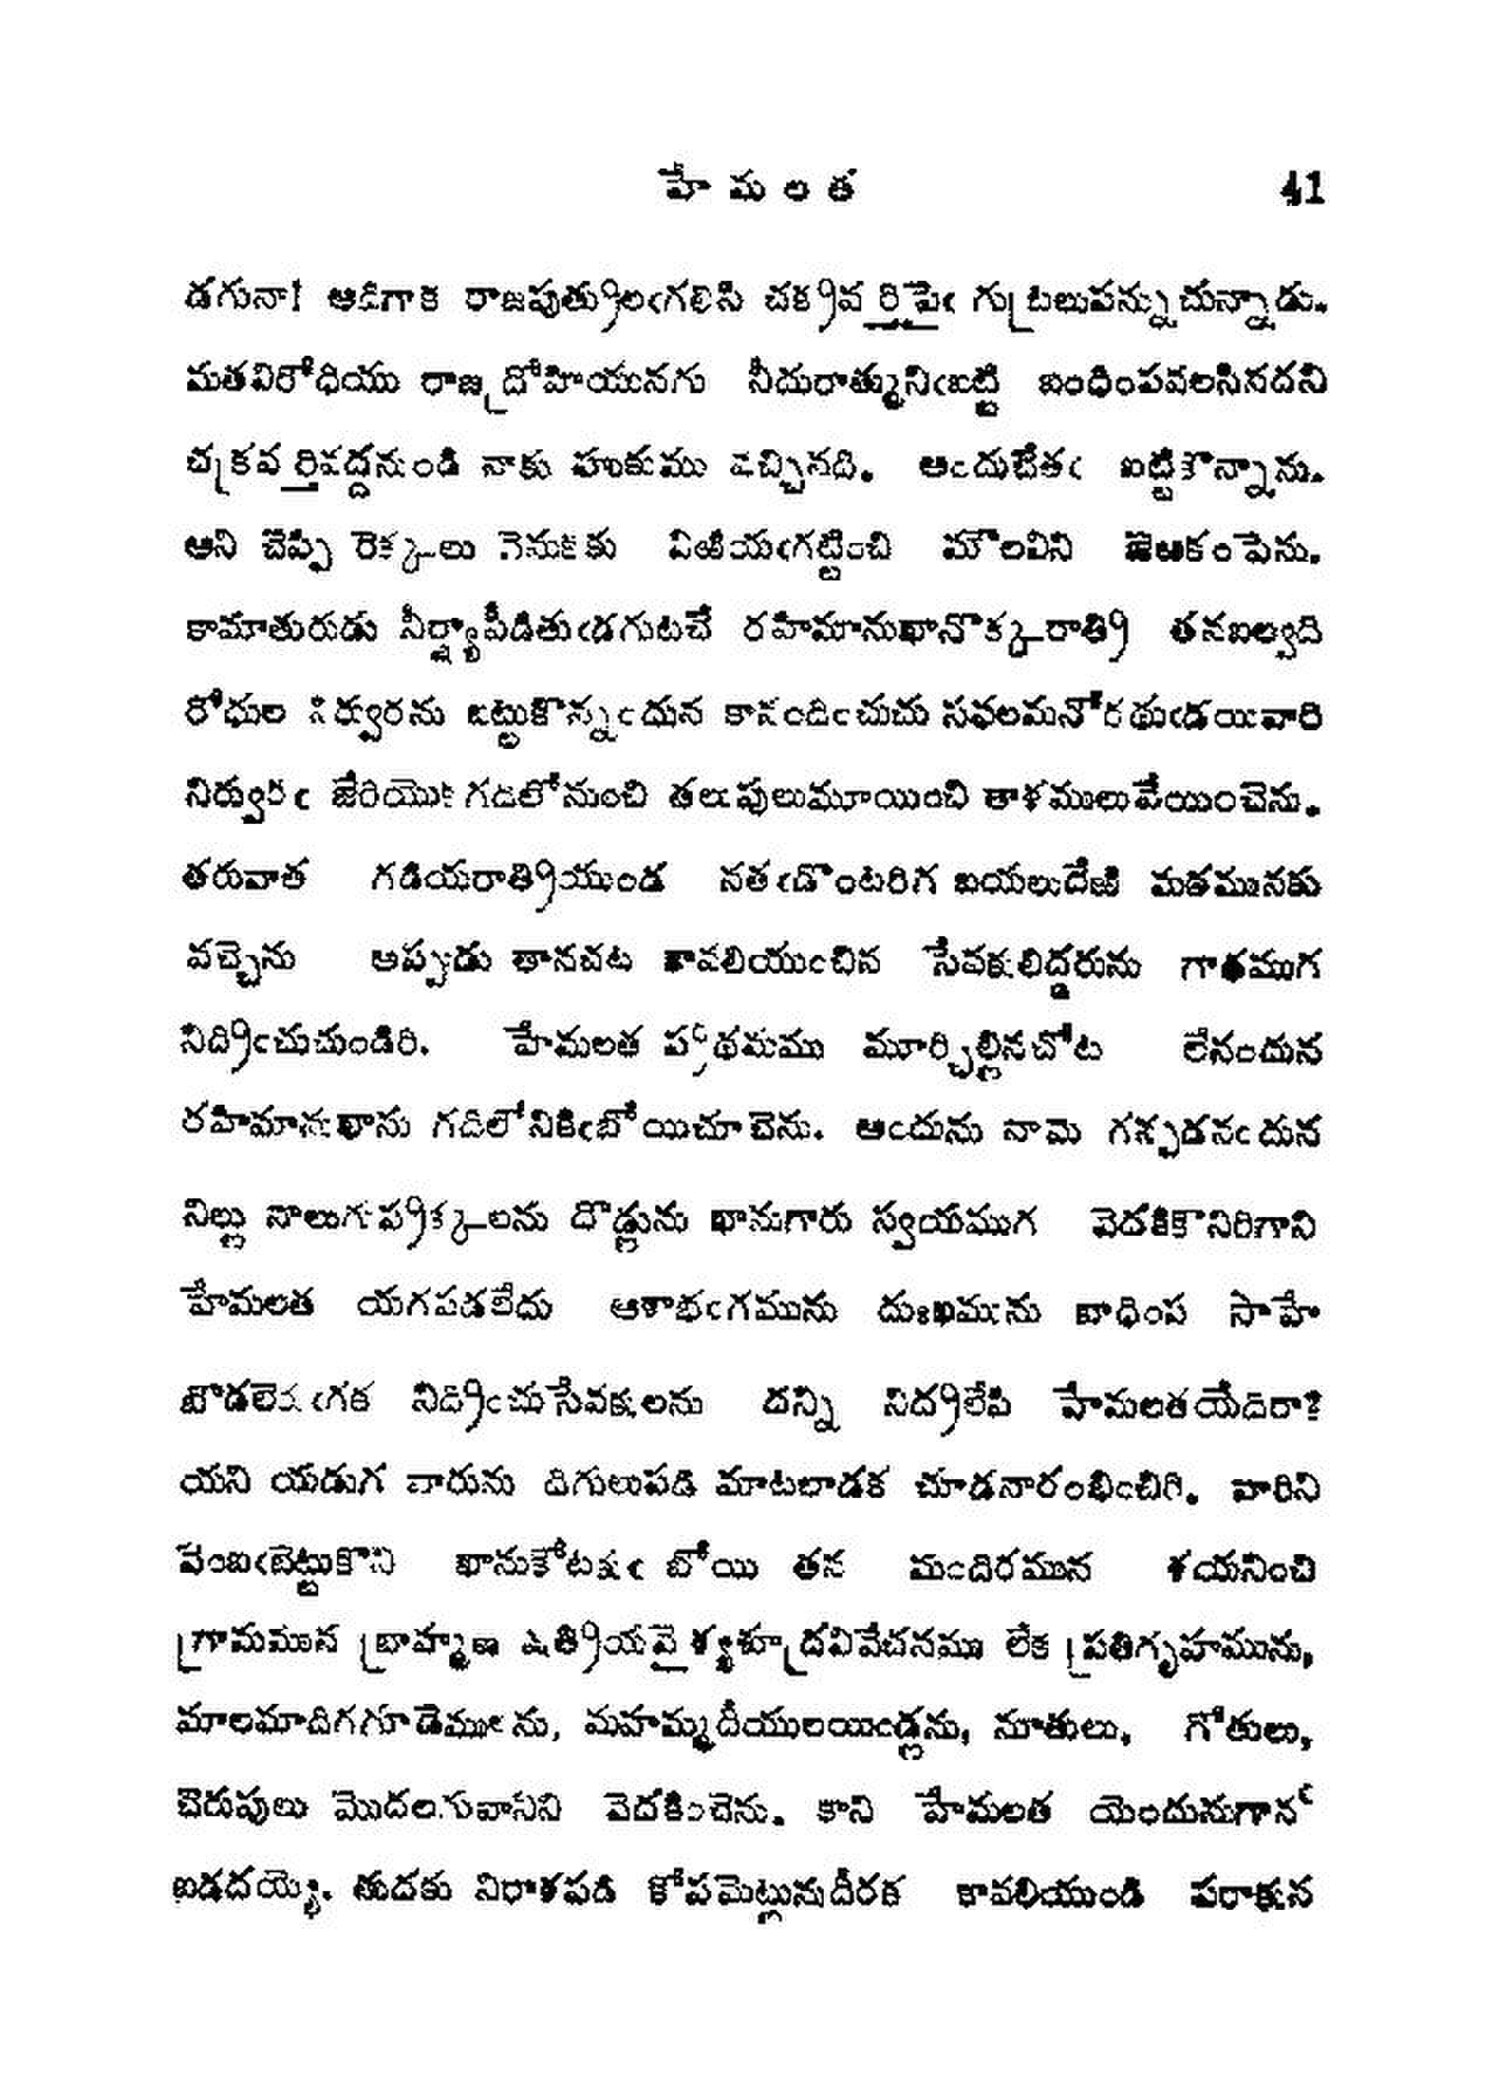డగునా! అదిగాక రాజపుత్రులఁగలిసి చక్రవర్తిపైఁ గుట్రలుపన్నుచున్నాడు. మతవిరోధియు రాజద్రోహియునగు నీదురాత్మునిఁబట్టి బంధింపవలసినదని చక్రవర్తివద్దనుండి నాకు హుకుము వచ్చినది. అందుచేతఁ బట్టికొన్నాను. అని చెప్పి రెక్కలు వెనుకకు విఱియఁగట్టించి మౌలవిని జెఱకంపెను. కామాతురుడు నీర్ష్యాపీడితుఁడగుటచే రహిమానుఖానొక్కరాత్రి తనబల్వది రోధుల నిర్వురను బట్టుకొన్నందున కానందించుచు సఫలమనోరథుఁడయి వారి నిర్వురఁ జేరియొక గదిలోనుంచి తలుపులుమూయించి తాళములు వేయించెను. తరువాత గడియరాత్రియుండ నతఁడొంటరిగ బయలుదేఱి మఠమునకు వచ్చెను. అప్పుడు తానచట కావలియుంచిన సేవకులిద్దరును గాఢముగ నిద్రించుచుండిరి. హేమలత ప్రథమము మూర్ఛిల్లినచోట లేనందున రహిమానుఖాను గదిలోనికిఁబోయిచూచెను. అందును నామె గన్పడనందున నిల్లు నాలుగు ప్రక్కలను దొడ్లును ఖానుగారు స్వయముగ వెదకికొనిరిగాని హేమలత యగపడలేదు. ఆశాభంగమును దుఃఖమును బాధింప సాహేబొడలెరుఁగక నిద్రించు సేవకులను దన్ని నిద్రలేపి హేమలత యేదిరా? యని యడుగ వారును దిగులుపడి మాటలాడక చూడనారంభించిరి. వారిని వెంటఁబెట్టుకొని ఖాను కోటకుఁ బోయి తన మందిరమున శయనించిగ్రామమున బ్రాహ్మణ క్షత్రియవైశ్యశూద్రవివేచనము లేక ప్రతిగృహమును, మాలమాదిగగూడెములను, మహమ్మదీయులయిండ్లను, నూతులు, గోతులు, చెరువులు మొదలగువానిని వెదకించెను. కాని హేమలత యెందునుగాన బడదయ్యె. తుదకు నిరాశపడి కోపమెట్లును దీరక కావలియుండి పరాకున